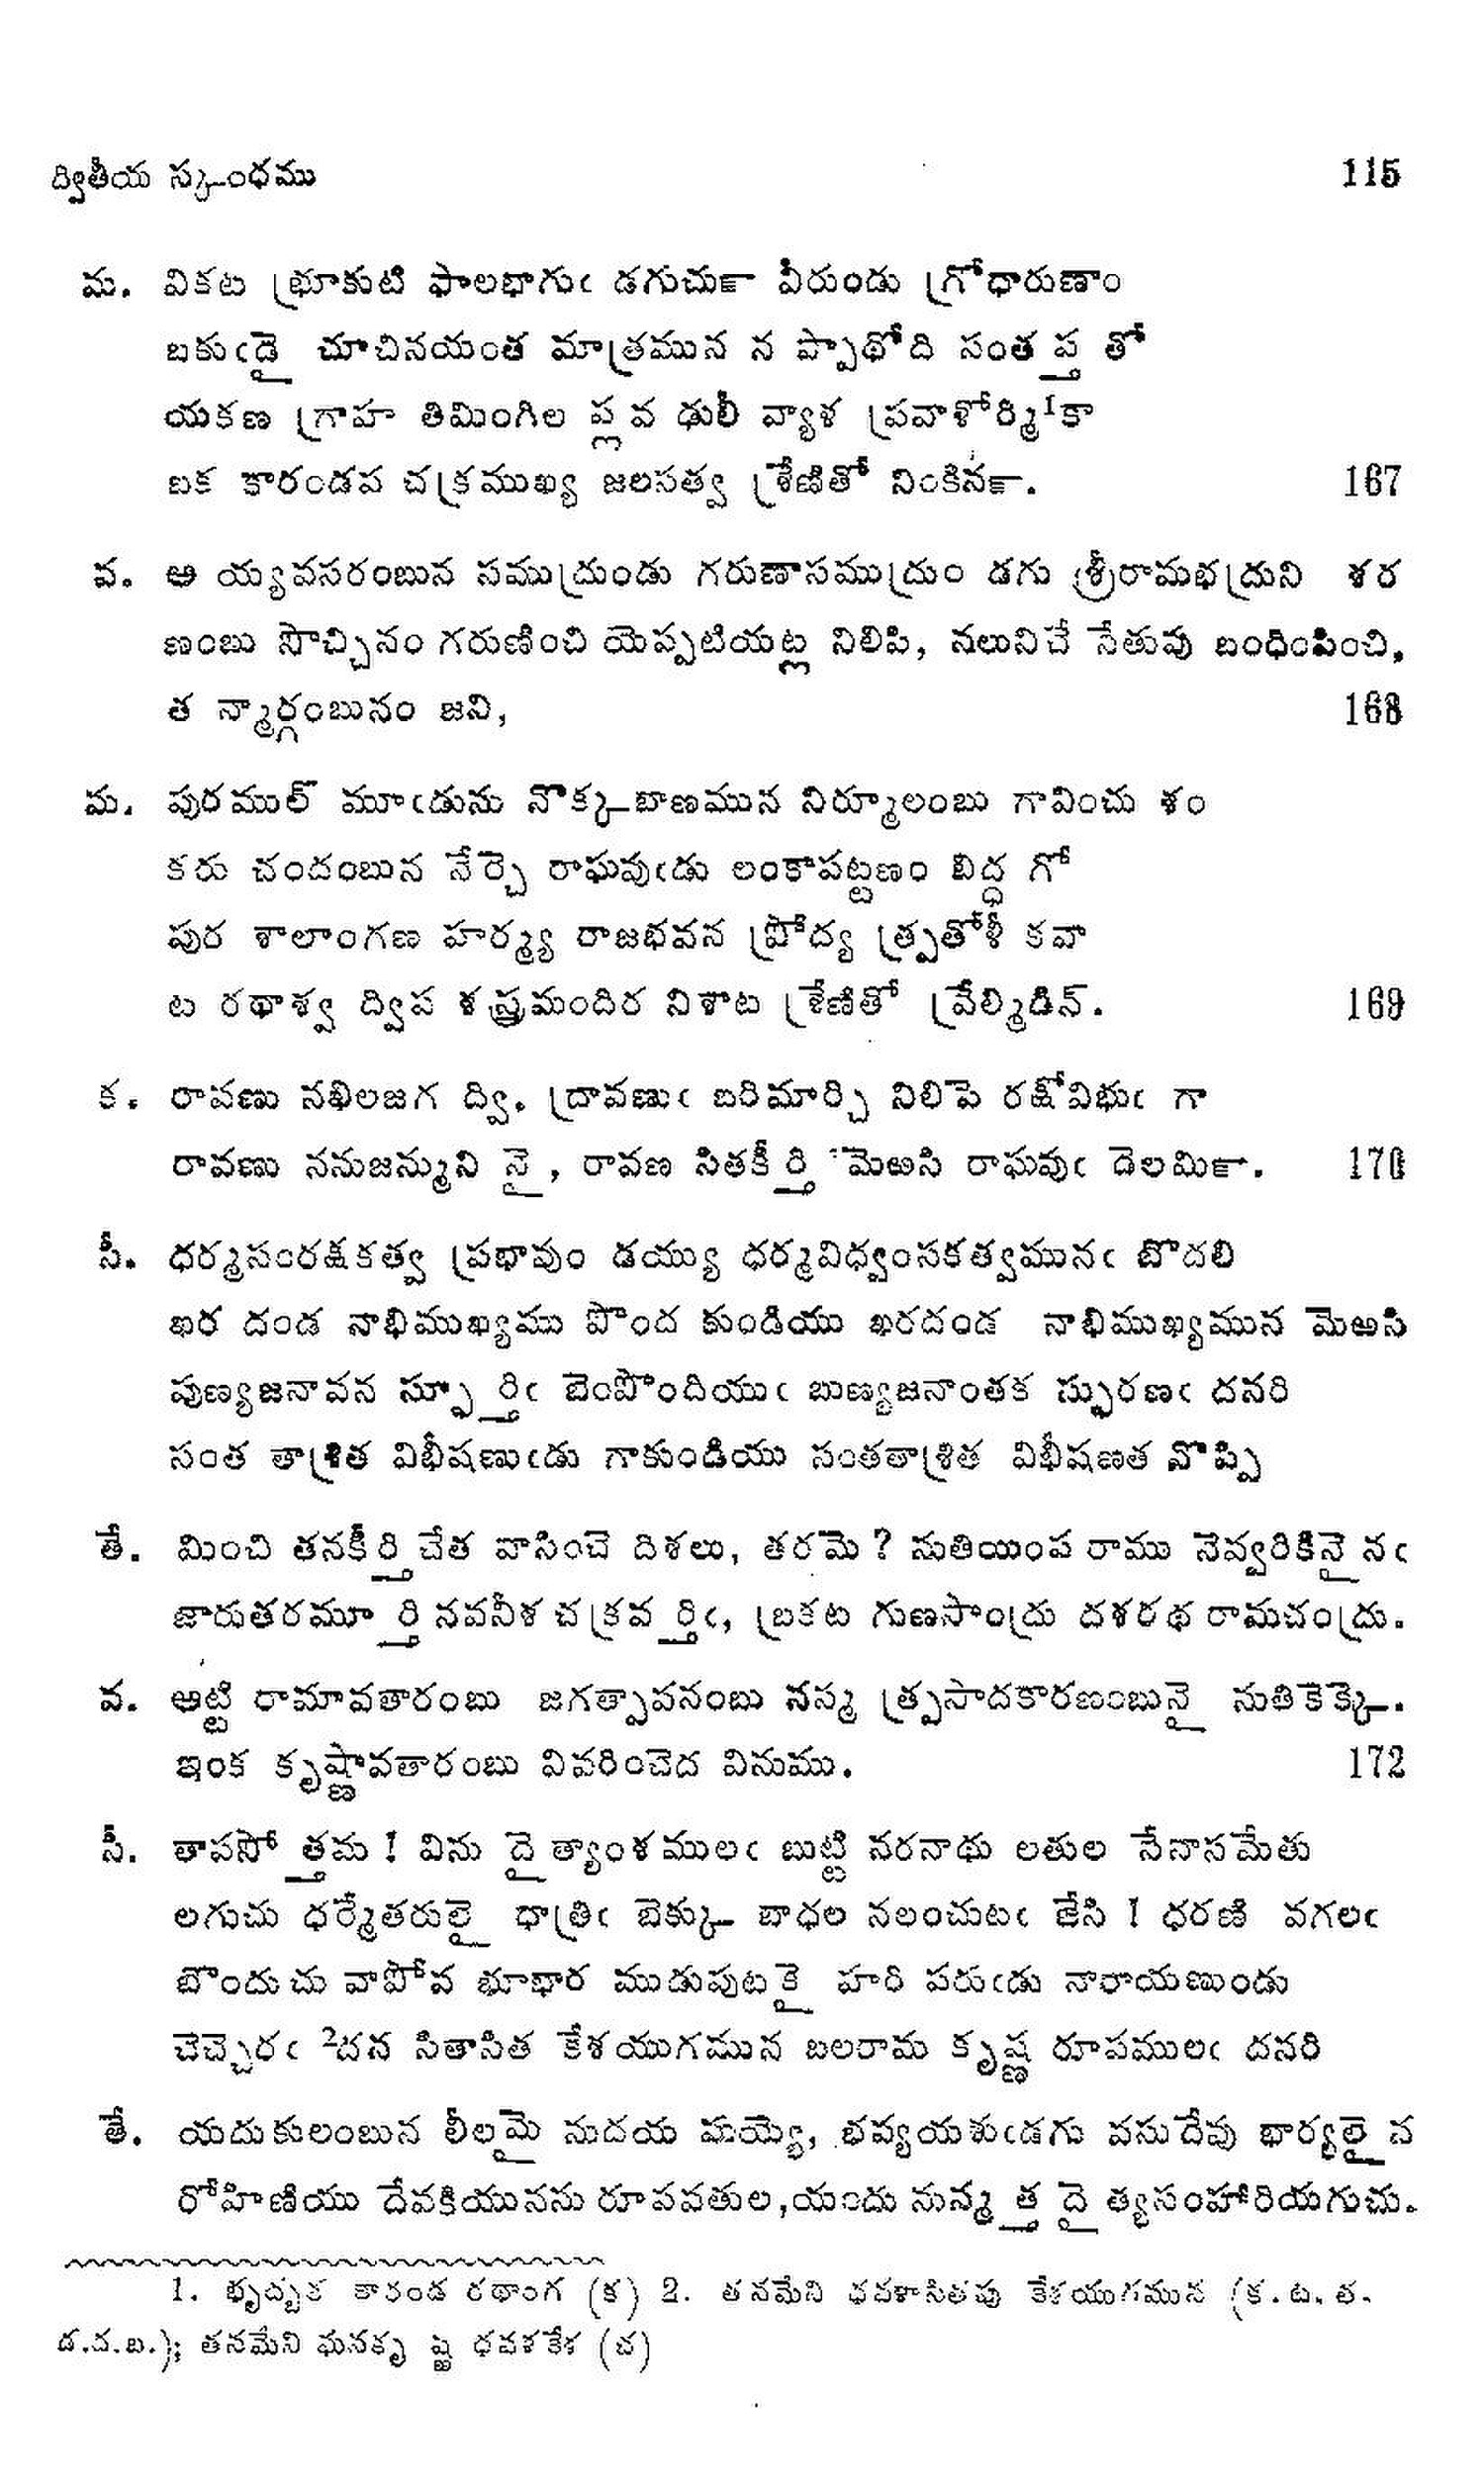115

మ. వికట భ్రూకుటి ఫాలభాగుఁ డగుచున్ వీరుండు గ్రోధారుణాం 

బకుఁడై చూచినయంత మాత్రమున న ప్పాథోధి సంతప్త తో

యకణ గ్రాహ తిమింగిల ప్లవ ఢులీ వ్యాళ ప్రవాళోర్మి కా 

బక కారండవ చక్రముఖ్య జలసత్వ శ్రేణితో నింకినన్. ( 167 )

వ. అ య్యవసరంబున సముద్రుండు గరుణాసముద్రుం డగు శ్రీరామభద్రుని శరణంబు సొచ్చినం గరుణించి యెప్పటియట్లు నిలిపి, నలునిచే సేతువు బంధింపించి, త న్మార్గంబునం జని. ( 168 )

మ. పురముల్ మూఁడును నొక్కబాణమున నిర్మూలంబు గావించు శం

కరు చందంబున నేర్చె రాఘవుఁడు లంకాపట్టణం బిద్ధ గో

పుర శాలాంగంణ హర్మ్య రాజభవన ప్రోద్య త్ప్రతోళీ కవా

ట రథాశ్వ ద్విప శస్త్రమందిర నిశాట శ్రేణితో వ్రేల్మిడిన్. ( 169 ) 

క. రావణు నఖిలజగ ద్వి, ద్రావణుఁ బరిమార్చి నిలిపె రక్షోవిభుఁ గా

రావణు ననుజన్ముని నై, రావణ సితకీర్తి మెఱసి రాఘవుఁ డెలమిన్. ( 170 )

సీ. ధర్మసంరక్షకత్వ ప్రభావుం డయ్యు ధర్మవిధ్వంసకత్వమునఁ బొదలి

ఖర దండ నాభిముఖ్యము పొంద కుండియు ఖరదండ నాభిముఖ్యమున మెఱసి

పుణ్యజనావన స్ఫూర్తిఁ బెంపొందియుఁ బుణ్యజనాంతక స్ఫురణఁ దనరి

సంత తాశ్రిత విభీషణుఁడు గాకుండియు సంతతాశ్రిత విభీషణత నొప్పి

తే. మించి తనకీర్తిచేత వాసించె దిశలు, తరమె? నుతియింప రాము నెవ్వరికినైనఁ

జారుతరమూర్తినవనీశ చక్రవర్తిఁ, బ్రకట గుణసాంద్రు దశరధ రామచంద్రు. ( 171 )

వ. అట్టి రామావతారంబు జగత్పావనంబు నస్మ త్ప్రసాదకారణంబునై నుతికెక్కె. ఇంక కృష్ణావతారంబు వివరించెద వినుము.
( 172 )

సీ. తాపసోత్తమ! విను దైత్యాంసములఁ బుట్టి నరనాథు లతుల సేనాసమేతు

లగుచు ధర్మేతరులై ధాత్రిఁ బెక్కు బాధల నలంచుటఁ జేసి! ధరణి వగలఁ

బొందుచు వాపోవ భూభార ముడుపుటకై హరి పరుఁడు నారాయణుండు

చెచ్చెరఁ దన సితాసిత కేశయుగమున బలరామ కృష్ణ రూపములఁ దనరి

తే. యదుకులంబున లీనమై నుదయ మయ్యె, భవ్యయశుఁడగు వసుదేవు ధార్యలైన 

రోహిణియు దేవకియునను రూపవతుల, యందు నున్మ త్త దైత్యసంహారియగుచు. ( 173 )